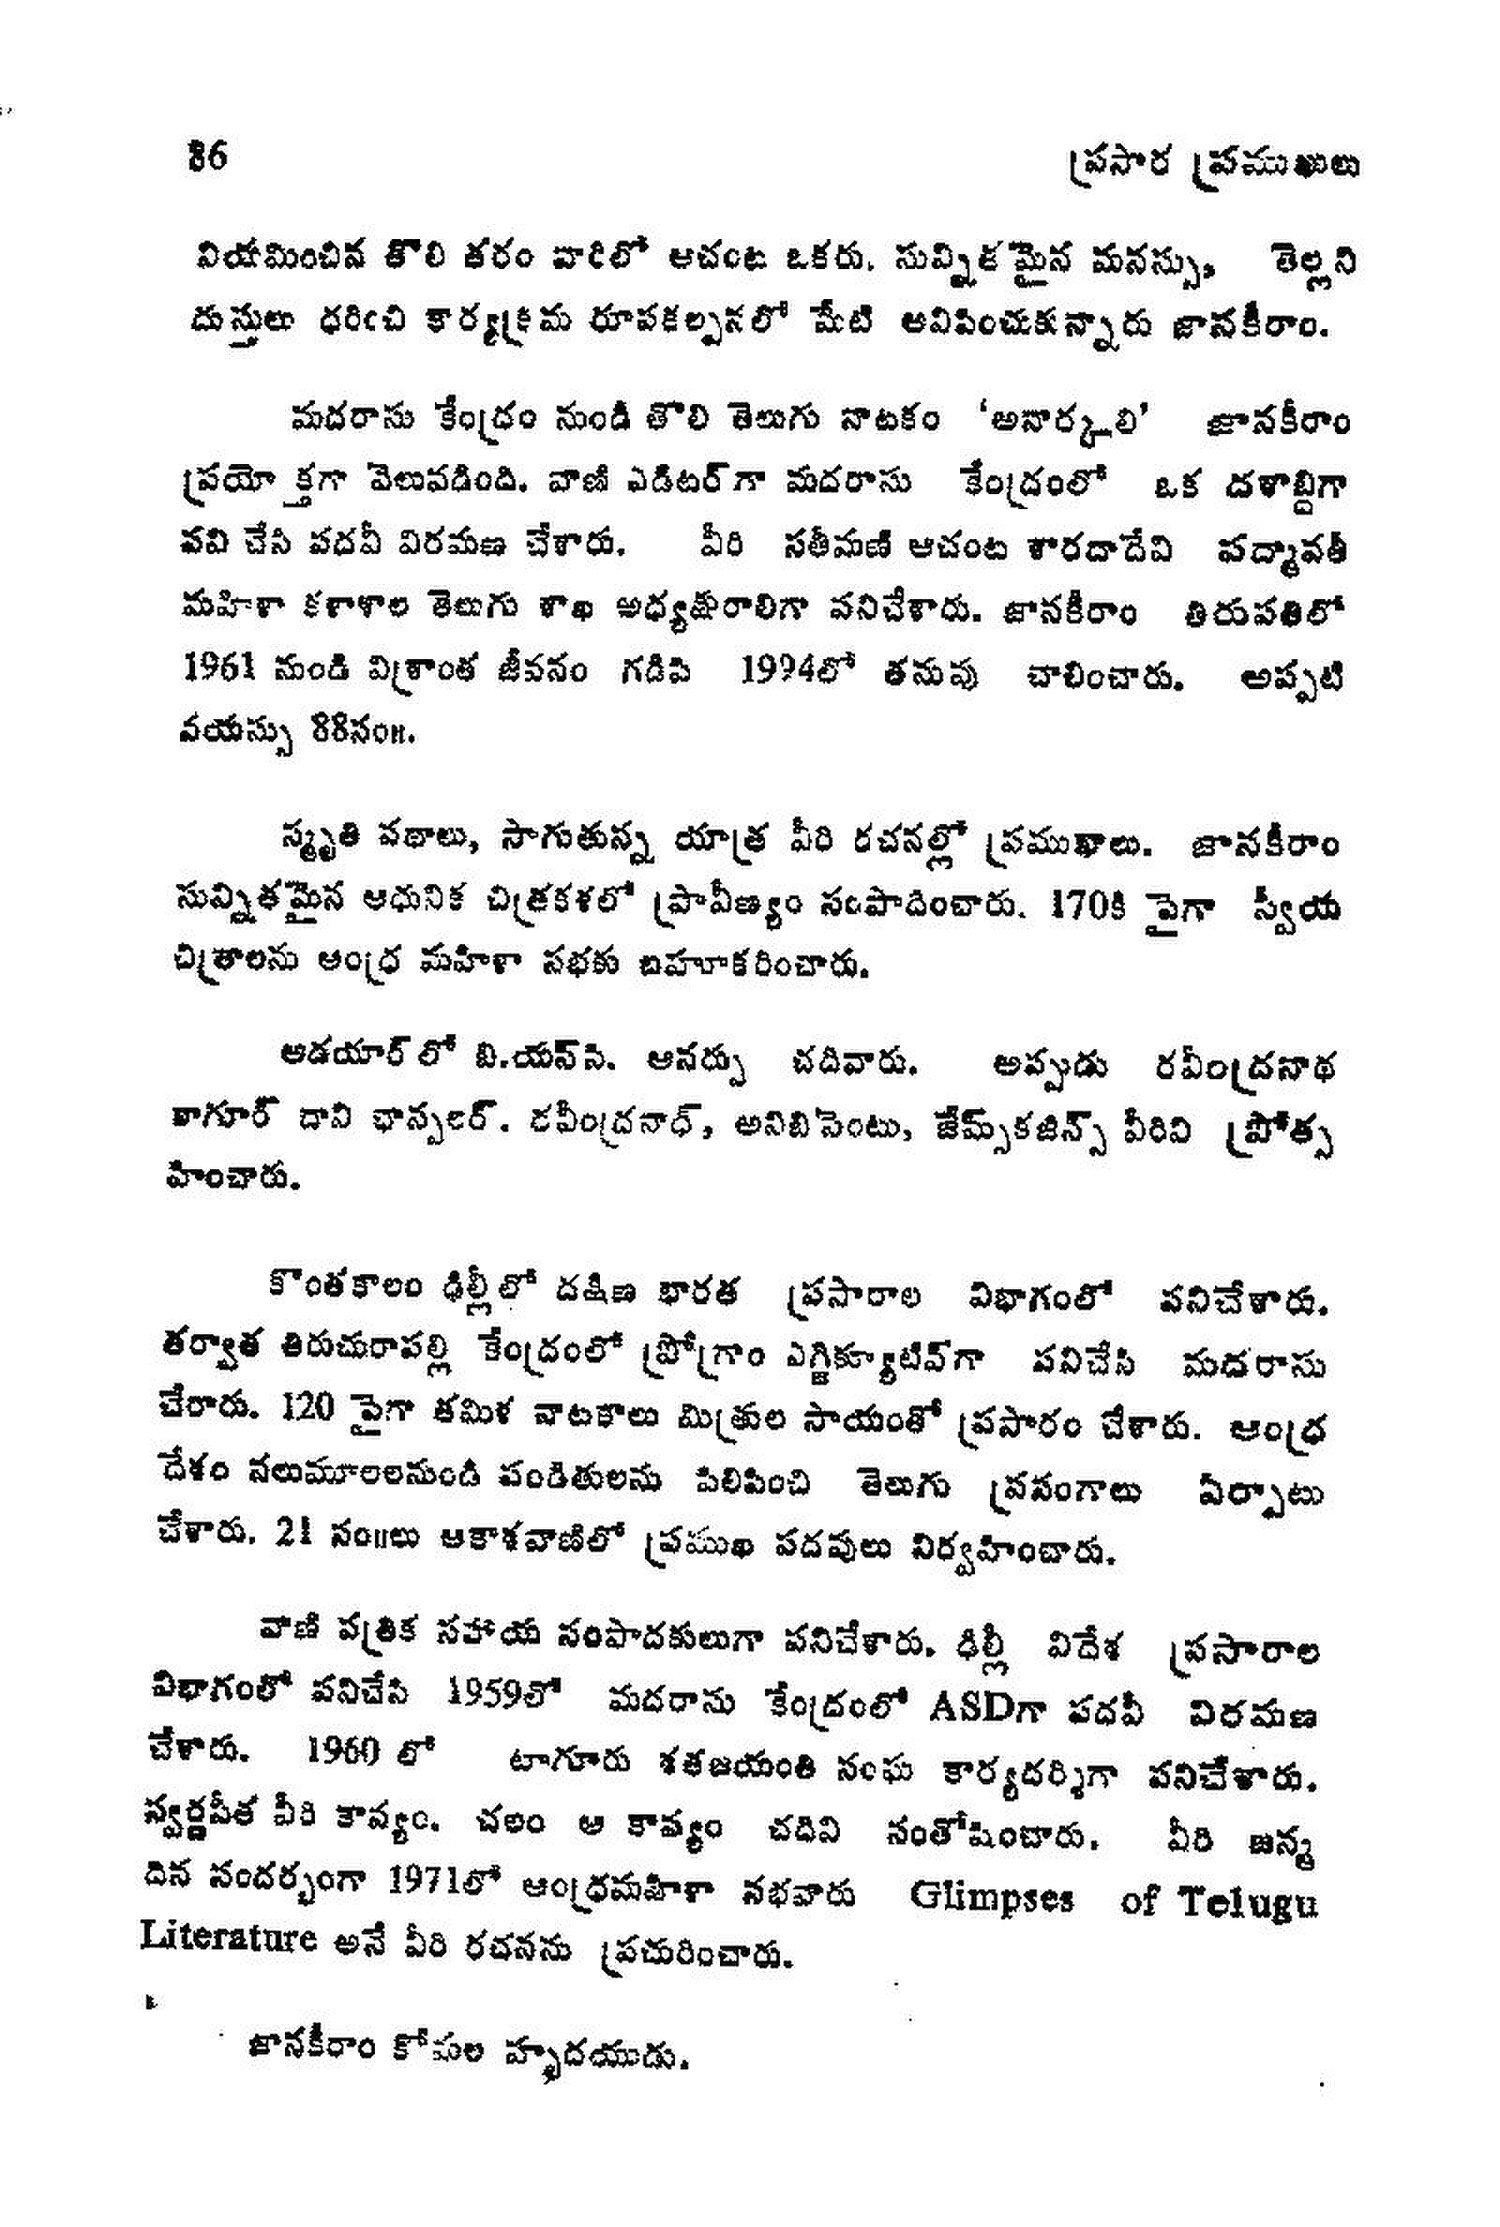నియమించిన తొలి తరం వారిలో ఆచంట ఒకరు. సున్నితమైన మనస్సు, తెల్లని దుస్తులు ధరించి కార్యక్రమ రూపకల్పనలో మేటి అనిపించుకున్నారు జానకీరాం.

మదరాసు కేంద్రం నుండి తొలి తెలుగు నాటకం ' అనార్కలి ' జానకీరాం ప్రయోక్తగా వెలువడింది. వాణి ఎడిటర్ గా మదరాసు కేంద్రంలో ఒక దశాబ్దిగా పనిచేసి పదవీ విరమణ చేశారు. వీరి సతీమణి ఆచంట శారదాదేవి పద్మావతీ మహిళా కళాశాల తెలుగు శాఖ అధ్యక్షురాలిగా పనిచేశారు. జానకీరాం తిరుపతిలో 1961 నుండి విశ్రాంత జీవనం గడిపి 1994లో తనువు చాలించారు. అప్పటి వయస్సు 88 సం.

స్మృతి పథాలు, సాగుతున్న యాత్ర వీరి రచనల్లో ప్రముఖాలు. జానకీరాం సున్నితమైన ఆధునిక చిత్రకళలో ప్రావీణ్యం సంపాదించారు. 170కి పైగా స్వీయ చిత్రాలను ఆంధ్ర మహిళా సభకు బహూకరించారు.

అడయార్ లో బి.యస్.సి. ఆనర్సు చదివారు. అప్పుడు రవీంద్రనాథ ఠాగూర్ దాని చాన్సలర్. రవీంద్రనాథ్, అనీబిసెంటు, జేమ్స్ కజిన్స్ వీరిని ప్రోత్సహించారు. 

కొంతకాలం ఢిల్లీలో దక్షిణ భారత ప్రసారాల విభాగంలో పనిచేశారు. తర్వాత తిరుచిరాపల్లి కేంద్రంలో ప్రాగ్రాం ఎగ్జిక్యూటివ్ గా పనిచేసి మదరాసు చేరారు. 120 పైగా తమిళ నాటకాలు మిత్రుల సాయంతో ప్రసారం చేశారు. ఆంధ్రదేశం నలుమూలల నుండి పండితులను పిలిపించి తెలుగు ప్రసంగాలు ఏర్పాటు చేశారు. 21 సంవత్సరాలు ఆకాశవాణిలో ప్రముఖ పదవులు నిర్వహించారు.

వాణి పత్రిక సహాయ సంపాదకులుగా పనిచేశారు. ఢిల్లీ విదేశ ప్రసార విభాగంలో పనిచేసి 1959లో మదరాసు కేంద్రంలో ASDగా పదవీ విరమణ చేశారు. 1960 ఠాగూరు శతజయంతి సంఘ కార్యదర్శిగా పనిచేశారు. స్వర్ణపీఠ వీరి కావ్యం. చలం ఈ కావ్యం చదివి సంతోషించారు. వీరి జన్మదిన సందర్భంగా 1971లో ఆంధ్ర మహిళా సభవారు Glimpses of Telugu Literature అనే వీరి రచనను ప్రచురించారు.

జానకీరాం కోమల హృదయుడు.